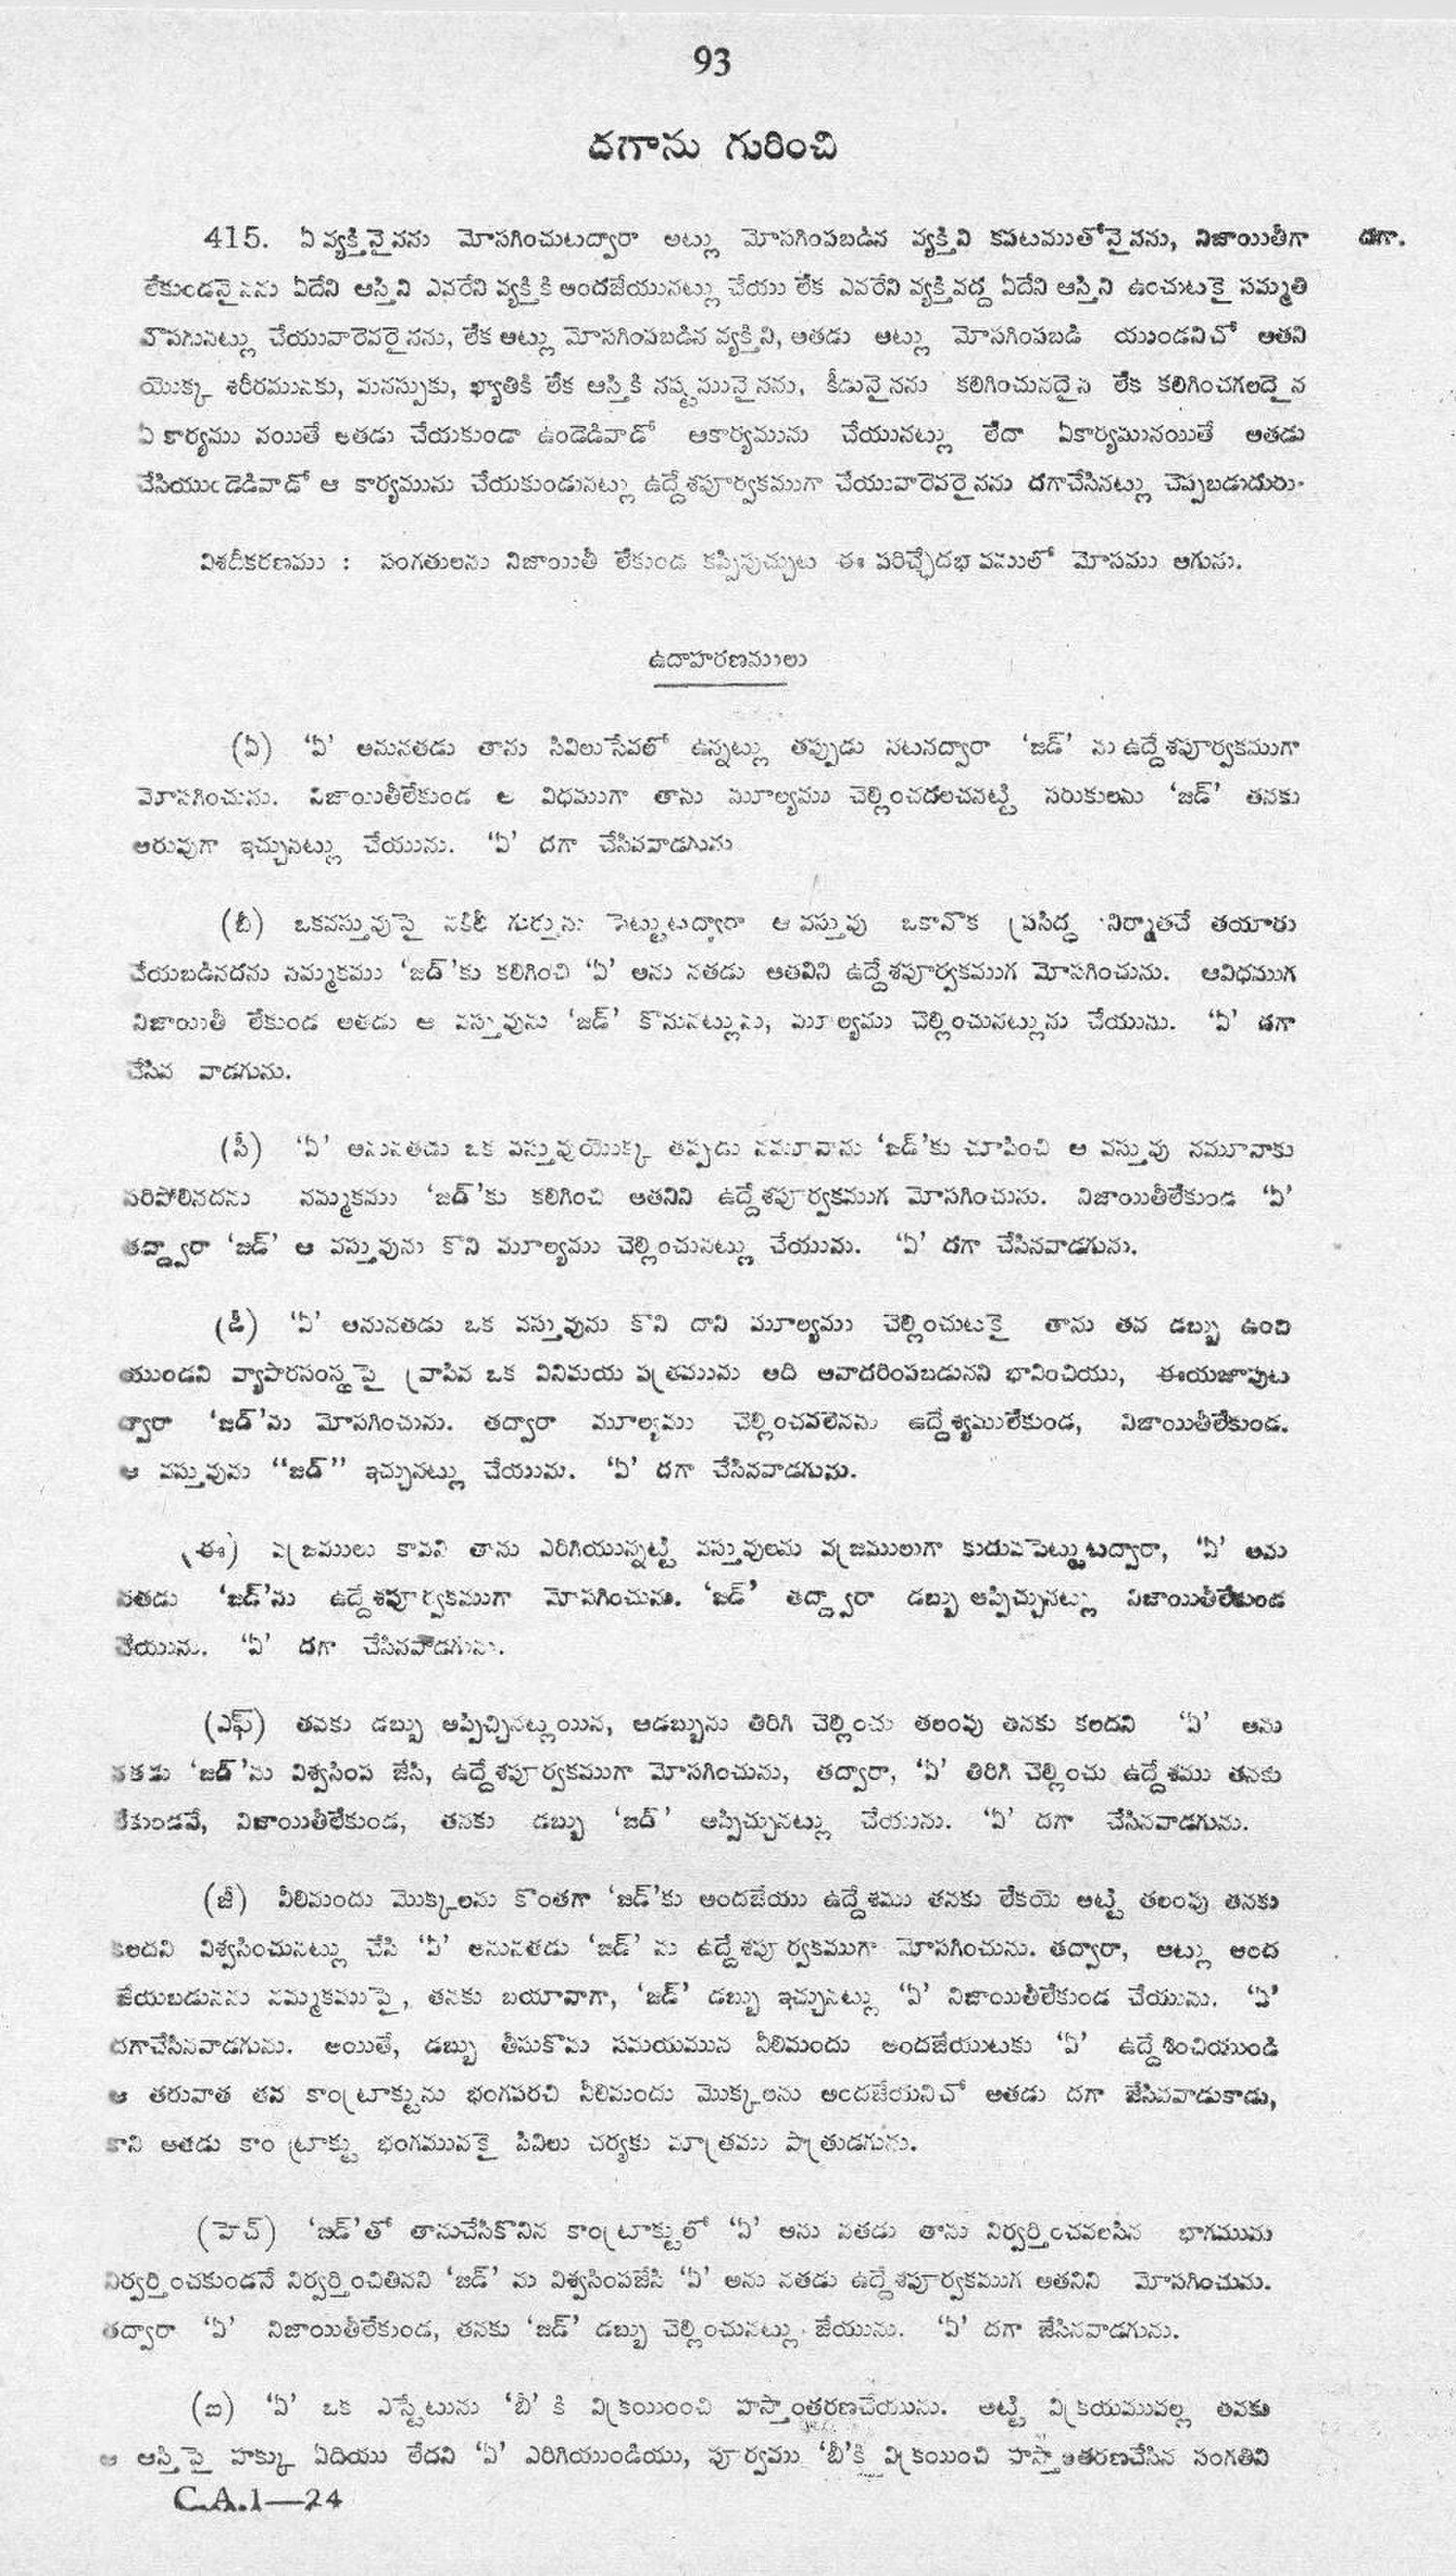దగా.

415. ఏ వ్యక్తి నైనను మోసగించుట ద్వారా అట్లు మోసగింపబడిన వ్యక్తిని కపటముతోనైనను, నిజాయితీగా లేకుండనై నను ఏదేని ఆస్తి ని ఎవరేని వ్యక్తి కి అందజేయునట్లు చేయు లేక ఎవరేని వ్యక్తి వద్ద ఏదేని ఆస్తి ని ఉంచుటకై సమ్మతి వొసగునట్లు చేయువారెవరైనను, లేక ఆట్లు మోసగింపబడిన వ్యక్తి ని, అతడు అట్లు మోసగింపబడి యుండని చో అతని యొక్క శరీరమునకు, మనస్సుకు, ఖ్యాతికి లేక ఆస్తి కి నష్టమునై నను, కీడునై నను కలిగించునదైన లేక కలిగించగలదైన ఏ కార్యము నయితే అతడు చేయకుండా ఉండెడివాడో ఆకార్యమును చేయునట్లు లేదా ఏకార్యమునయితే అతడు చేసియుండెడివాడో ఆ కార్యమును చేయకుండునట్లు ఉద్దేశపూర్వకముగా చేయువారెవరై నను దగాచేసినట్లు చెప్పబడుదురు,

విశదీకరణము : సంగతులను నిజాయితీ లేకుండ కప్పిపుచ్చుట ఈ పరిచ్ఛేదభావములో మోసము అగును.

(ఏ) ఏ' అనునతడు తాను సివిలు సేవలో ఉన్నట్లు తప్పుడు నటన ద్వారా 'జడ్' ను ఉద్దేశపూర్వకముగా మోసగించును. నిజాయితీ లేకుండ ఆ విధముగా తాను మూల్యము చెల్లించదలచనట్టి సరుకులను 'జడ్' తనకు అరువుగా ఇచ్చునట్లు చేయును. 'ఏ' దగా చేసినవాడగును.

(బి) ఒకవస్తువు పై నకిలి గుర్తును పెట్టుట ద్వారా ఆ వస్తువు ఒకానొక ప్రసిద్ధ 'నిర్మాతచే తయారు చేయబడినదను నమ్మకము 'జడ్'కు కలిగించి 'ఏ' అను నతడు అతనిని ఉద్దేశపూర్వకముగ మోసగించును. ఆవిధముగ నిజాయితీ లేకుండ అతడు ఆ వస్తువును 'జడ్' కొనునట్లును, మూల్యము చెల్లించునట్లును చేయును. 'ఏ' దగా చేసిన వాడగును.

(సీ) 'ఏ' అనునతను ఒక వస్తువు యొక్క తప్పుడు నమూనాను 'జడ్'కు చూపించి ఆ వస్తువు నమూనాకు సరిపోలినదను నమ్మకము. 'జడ్'కు కలిగించి అతనిని ఉద్దేశపూర్వకముగ మోసగించును. నిజాయితీలేకుండ 'ఏ' తద్ద్వారా 'జడ్' ఆ వస్తువును కొని మూల్యము చెల్లించునట్లు చేయును. 'ఏ' దగా చేసినవాడగును.

(డీ) 'ఏ' అనునతడు ఒక వస్తువును కొని దాని మూల్యము చెల్లించుటకై తాను తన డబ్బు ఉంచి యుండని వ్యాపార సంస్థ పై వ్రాసిన ఒక వినిమయ పత్రమును అది అనాదరింపబడునని భావించియు, ఈయజూపుట ద్వారా 'జడ్'ను మోసగించును. తద్వారా మూల్యము చెల్లించవలెనను ఉద్దేశ్యము లేకుండ, నిజాయితీ లేకుండ.ఆ వస్తువుము “జడ్” ఇచ్చునట్లు చేయును. 'ఏ' దగా చేసినవాడగును.

(ఈ) వజ్రములు కావని తాను ఎరిగియున్నట్టి వస్తువులను వజ్రములుగా కుదువ పెట్టుటద్వారా, 'ఏ' అనునతడు 'జడ్'ను ఉద్దేశపూర్వకముగా మోసగించును. 'జడ్' తద్ద్వారా డబ్బు అప్పిచ్చునట్లు నిజాయితీ లేకుండ చేయును. 'ఏ దగా చేసినవాడగును.

(ఎఫ్) తవకు డబ్బు అప్పిచ్చినట్లయిన, ఆడబ్బును తిరిగి చెల్లించు తలంపు తనకు కలదని 'ఏ' అన్ నతడు 'జడ్'ను విశ్వసింప జేసి, ఉద్దేశపూర్వకముగా మోసగించును, తద్వారా, 'ఏ' తిరిగి చెల్లించు ఉద్దేశము తనకు లేకుండనే, నిజాయితీలేకుండ, డబ్బు 'జడ్' అప్పిచ్చునట్లు చేయును. 'ఏ' దగా చేసినవాడగును.

(జీ) నీలిమందు. మొక్కలను కొంతగా 'జడ్'కు అందజేయు ఉద్దేశము తనకు లేకయె అట్టి తలంపు తనకు కలదని విశ్వసించునట్లు చేసి 'ఏ' అనునతడు 'జడ్' ను ఉద్దేశపు ర్వకముగా మోసగించును. తద్వారా, అట్లు ఆందజేయబడునను నమ్మకము పై , తనకు బయానాగా, 'జడ్' డబ్బు ఇచ్చునట్లు 'ఏ' నిజాయితీ లేకుండ చేయును. 'ఏ' దగాచేసిన వాడగును. అయితే, డబ్బు తీసుకొను సమయమున నీలిమందు అందజేయుటకు 'ఏ' ఉద్దేశించియుండి ఆ తరువాత తన కాంట్రాక్టును భంగపరచి నీలిమందు మొక్కలను అందజేయనిచో అతడు దగా జేసినవాడుకాడు, కాని అతడు కాం ట్రాక్టు భంగమున కై సివిలు చర్యకు మాత్రము పాత్రుడగును.

(హెచ్) 'జడ్'తో తాను చేసికొనిన కాంట్రాక్టులో 'ఏ' అను నతడు తాను నిర్వర్తించవలసిన భాగమును నిర్వర్తించకుండనే నిర్వర్తించితినని 'జడ్' ను విశ్వసింపజేసి 'ఏ' అను నతడు ఉద్దేశపూర్వకముగ అతనిని మోసగించును. తద్వారా 'ఏ' నిజాయితీ లేకుండ, తనకు 'జడ్' డబ్బు చెల్లించునట్లు జేయును. 'ఏ' దగా జేసినవాడగును.

(ఐ) 'ఏ' ఒక ఎస్టేటును 'బి' కి విక్రయించి హస్తాంతరణ చేయును. అట్టి విక్రయమువల్ల తనకు ఆస్తి పై హక్కు ఏదియు లేదని 'ఏ' ఎరిగియుండియు, పూర్వము 'బీ'కి విక్రయించి పాస్తాంతరణచేసిన సంగతిని